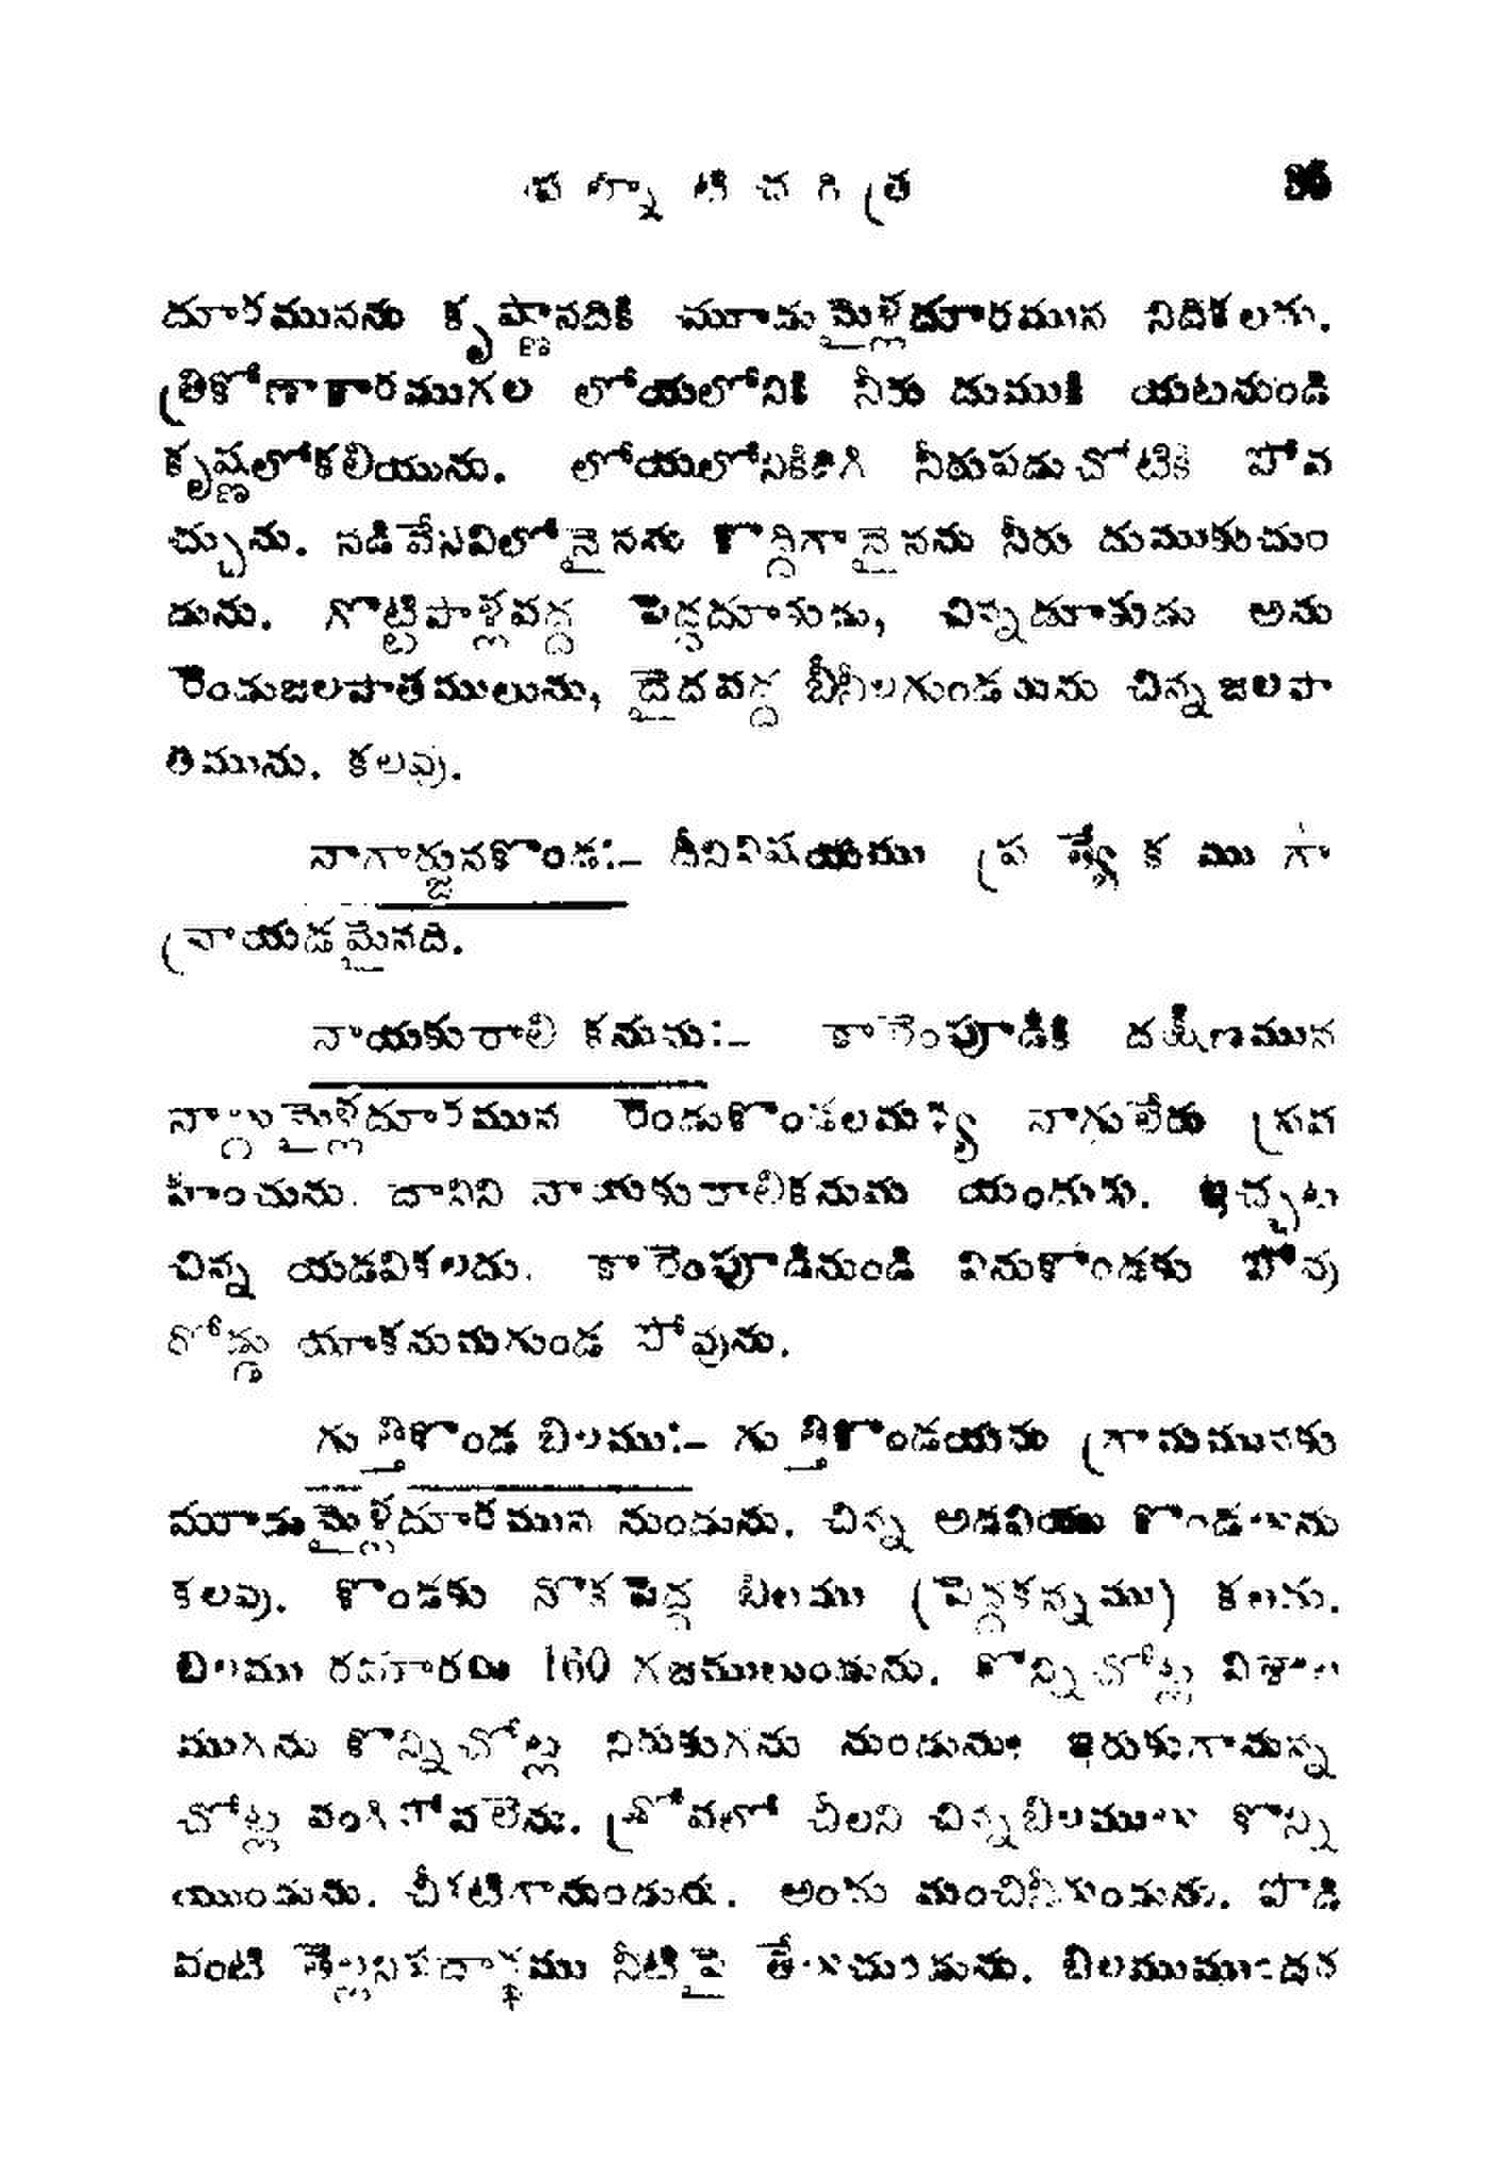దూరమునను కృష్ణానదికి మూడు మైళ్ల దూరమున నిదికలకు.
త్రికోణాకారముగల లోయలోనికి నీకు దుముకి యటనుండి
కృష్ణలోకలియును. లోయలోనికిదిగి నీరు పడుచోటికి పోవ
చ్చును. సడి వేసవిలోనైనను కొద్దిగానైనను నీరు దుముకుచుండును. 
గొట్టిపాళ్లవద్ద పెద్దదూకుడు, చిన్నదూకుడు అను రెండు 
జలపాతములును, దైదవద్ద బీనీలగుండమను చిన్న జలపాతమును 
కలవు.

నాగార్జునకొండ:- దీనివిషయము ప్రత్యేకముగా
వ్రాయడమైనది.

నాయకురాలి కనుమ:- కారెంపూడికి దక్షిణమున నాల్గు మైళ్ల దూరమున 
రెండు కొండలమధ్య నాగులేరు ప్రవహించును. దానిని నాయకురాలికనుమ యందురు. ఇచ్చట
చిన్న యడవికలదు. కారెంపూడినుండి వినుకొండకు పోవు రోడ్డు 
యాకనుమగుండ పోవును. 

గుత్తికొండ బిలము:- గుత్తికొండయము గ్రామమునకు
మూడు మైళ్ళ దూరమున నుండును. చిన్న అడవియు కొండలును
కలవు. కొండకు నొక పెద్ద బిలము (పెద్దకన్నము) కలరు.
బిలము రమారమి 160 గజములుండును. కొన్ని చోట్ల విశాలముగను 
కొన్ని చోట్ల నిరుకుగను నుండును. ఇరుకుగానున్న చోట్ల వంగి పోవలెను. 
త్రోవలో చీలని చిన్నబిలములు కొన్ని యుండును. చీకటిగానుండును. 
అందు మంచి నీరుండును .పొడి వంటి తెల్లని పదార్థము నీటిపై తేలచుండును. 
బిలము ముందర